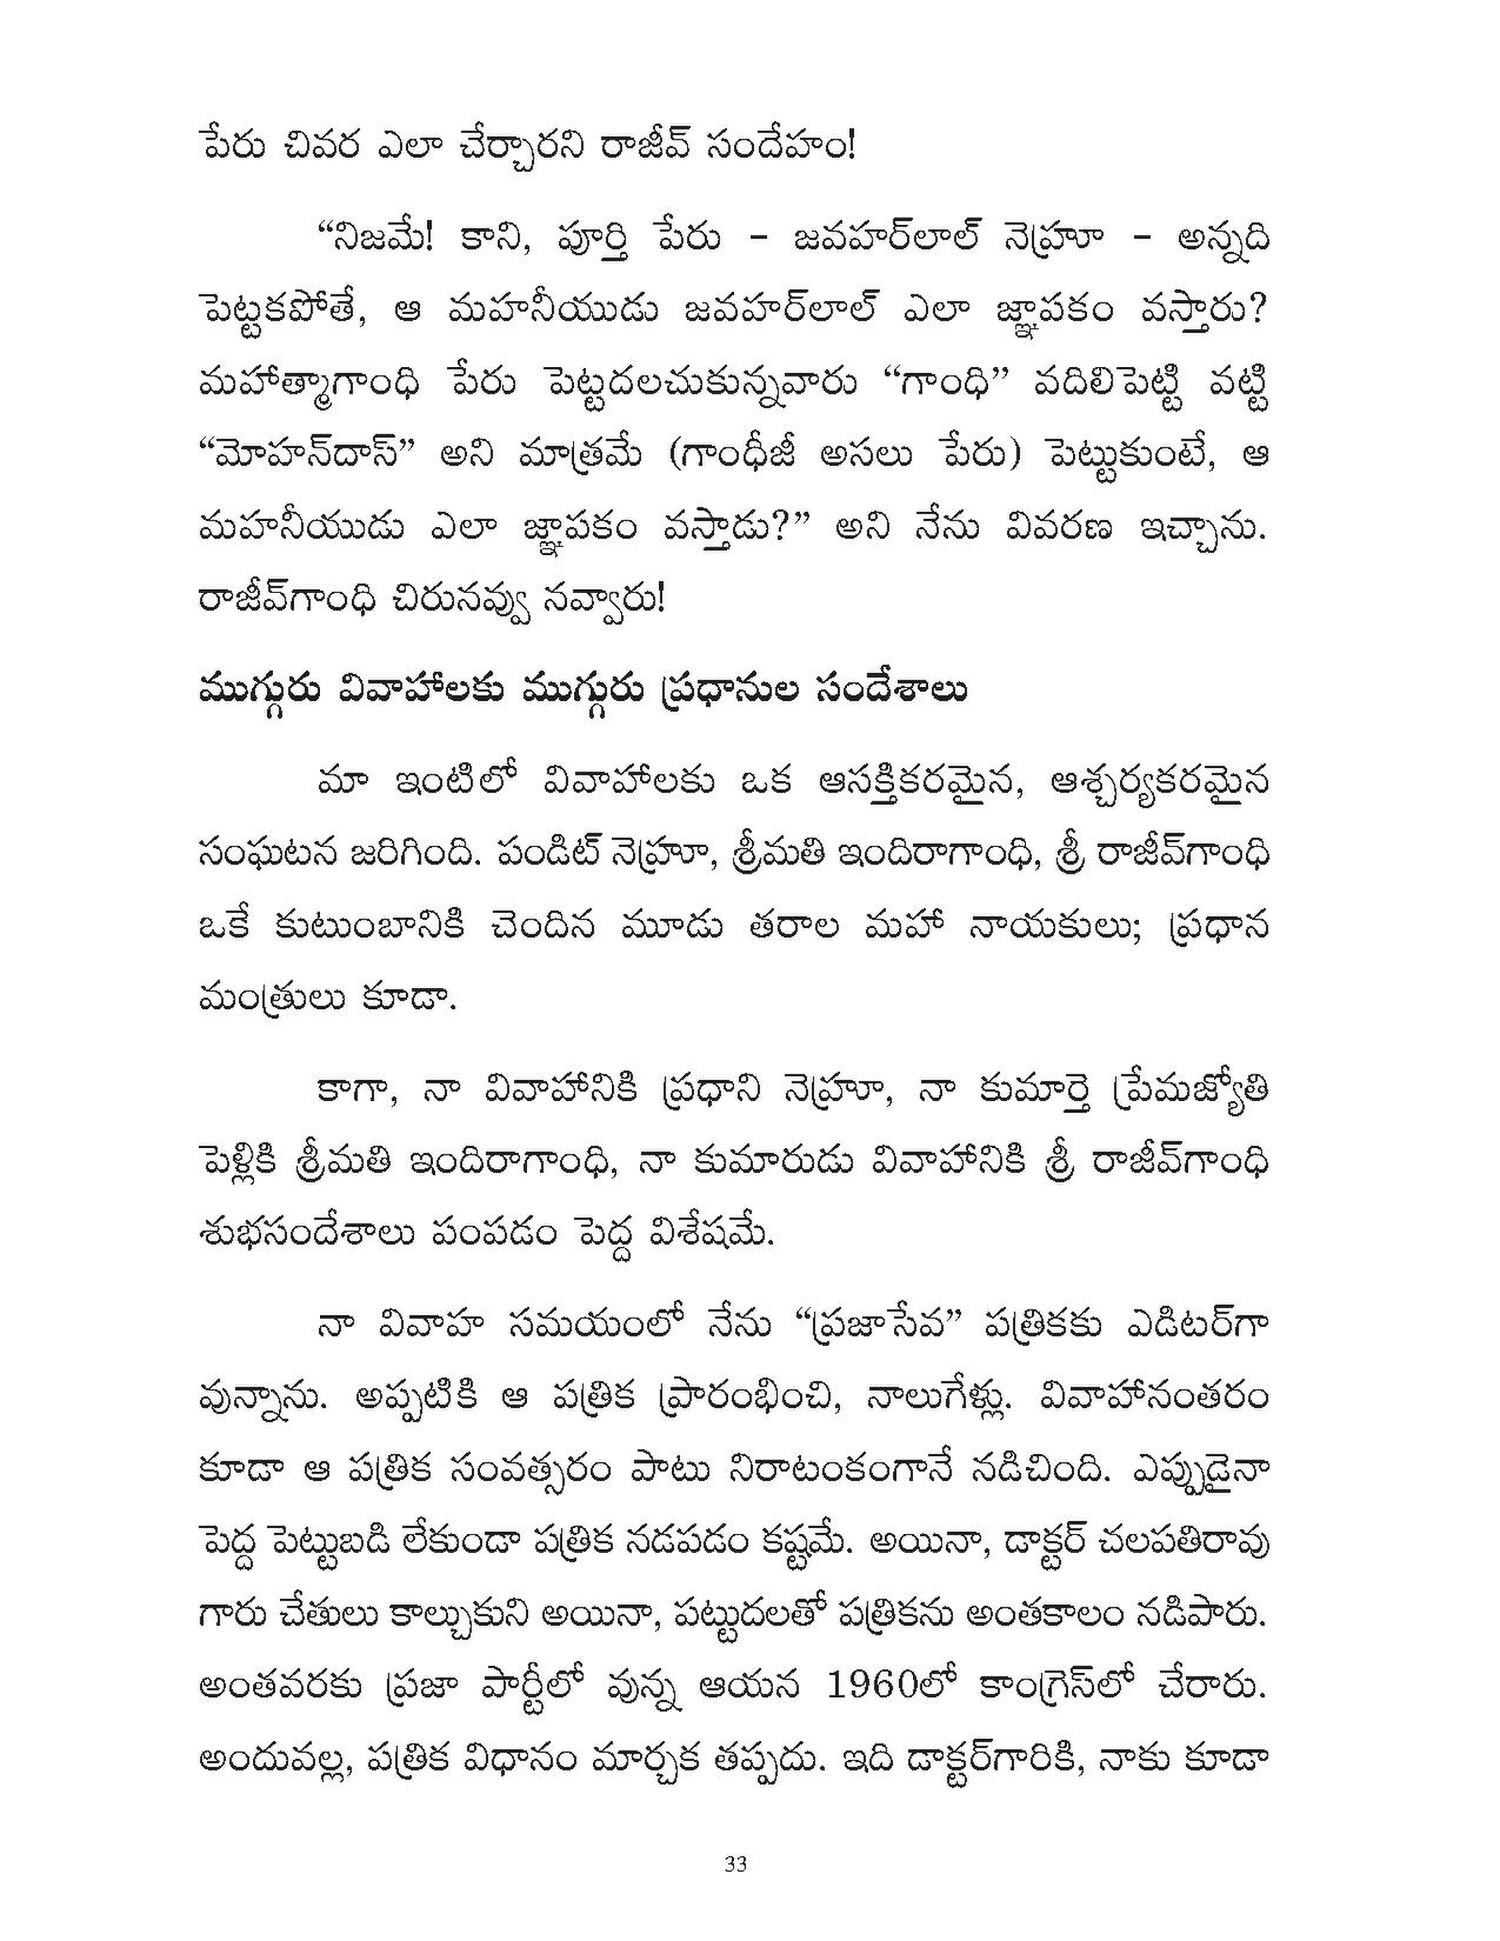పేరు చివర ఎలా చేర్చారని రాజీవ్‌ సందేహం!

"నిజమే! కాని, పూర్తి పేరు - జవహర్‌లాల్‌ నెహ్రూ - అన్నది
పెట్టకపోతే, ఆ మహనీయుడు జవహర్‌లాల్‌ ఎలా జ్ఞాపకం వస్తారు?
మహాత్మాగాంధి పేరు పెట్టదలచుకున్నవారు "గాంధి" వదిలిపెట్టి వట్టి
"మోహన్‌దాస్‌" అని మాత్రమే (గాంధీజీ అసలు పేరు) పెట్టుకుంటే, ఆ
మహనీయుడు ఎలా జ్ఞాపకం వస్తాడు?" అని నేను వివరణ ఇచ్చాను.
రాజీవ్‌గాంధి చిరునవ్వు నవ్వారు!
ముగ్గురు వివాహాలకు ముగ్గురు ప్రధానుల సందేశాలు
మా ఇంటిలో వివాహాలకు ఒక ఆసక్తికరమైన, ఆశ్చర్యకరమైన
సంఘటన జరిగింది. పండిట్‌ నెహ్రూ, శ్రీమతి ఇందిరాగాంధి, శ్రీ రాజీవ్‌గాంధి
ఒకే కుటుంబానికి చెందిన మూడు తరాల మహా నాయకులు; ప్రధాన
మంత్రులు కూడా.

కాగా, నా వివాహానికి ప్రధాని నెహ్రూ, నా కుమార్తె ప్రేమజ్యోతి
పెళ్లికి శ్రీమతి ఇందిరాగాంధి, నా కుమారుడు వివాహానికి శ్రీ రాజీవ్‌గాంధి
శుభసందేశాలు పంపడం పెద్ద విశేషమే.

నా వివాహ సమయంలో నేను "ప్రజాసేవ" పత్రికకు ఎడిటర్‌గా
వున్నాను. అప్పటికి ఆ పత్రిక ప్రారంభించి, నాలుగేళ్లు. వివాహానంతరం
కూడా ఆ పత్రిక సంవత్సరం పాటు నిరాటంకంగానే నడిచింది. ఎప్పుడైనా
పెద్ద పెట్టుబడి లేకుండ పత్రిక నడపడం కష్టమే. అయినా, డాక్టర్ చలపతిరావు
గారు చేతులు కాల్చుకుని అయినా, పట్టుదలతో పత్రికను అంతకాలం నడిపారు.
అంతవరకు ప్రజా పార్టీలో వున్న ఆయన 1960లో కాంగ్రెస్‌లో చేరారు.
అందువల్ల, పత్రిక విధానం మార్చక తప్పదు. ఇది డాక్టర్‌గారికి, నాకు కూడా